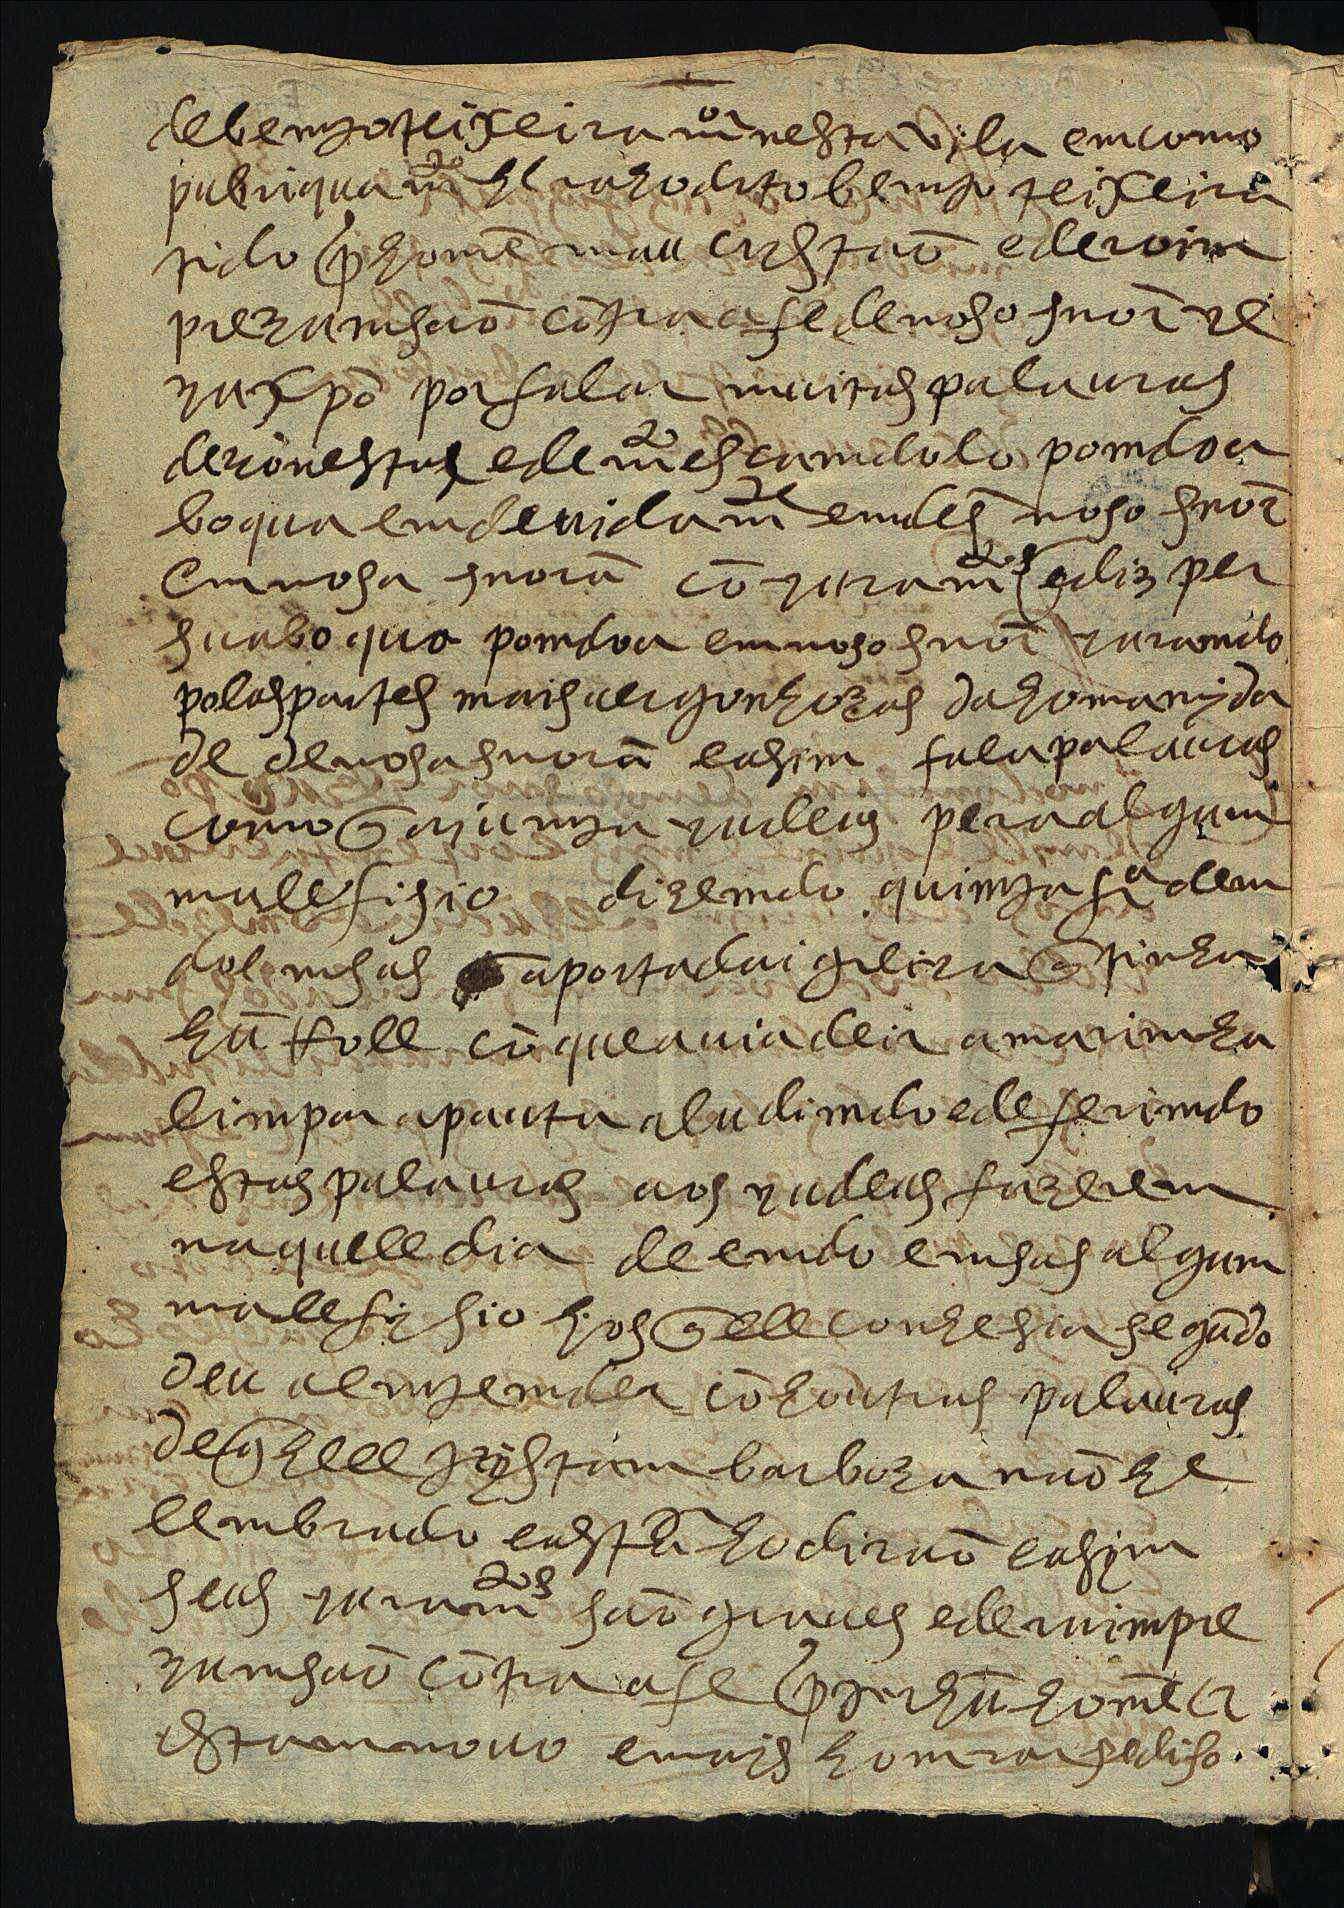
de bemto teixeira mor nesta vila em como
pubriquamte hera ho dito bemto teixeira
tido p̄ homē mau cristaõ e de roim
prezumsaõ cōtra a fe de noso snor̄ ye
zu xpō por falar muitas palauras
dezonestas e de mto escamdolo pomdo a
boqua emdeuidamet em des̄ noso snōr
em nosa snorā cō yuramtos q̄ diz per
sua boqua pomdoa em noso snōr yuramdo
polas partes mais uergonhozas da homanyda
de de nosa snorā e asim fala palauras
como q̄ ajumta yudeus pera algum
malefisio dizemdo quimta fra dem
doemsas q̄ a porta da igreiya q̄ tinha
hū Roll cō que auia de ir a marimha
limpar a pauta aludimdo e deferimdo
estas palauras aos yudeus fazerem
naquele dia de emdoemsas algum
malefysio hos q̄ ele conhecia segūdo
deu a emtemder cō houtras palauras
de q̄ helle trystam barboza naõ he
lembrado e as tas ho diraõ e asym
seus yuramtos saõ graues e de ruim pre
zumsaõ cōtra a fe p̄ ser hū homē cr
istam nouo e majs homrar se diso
